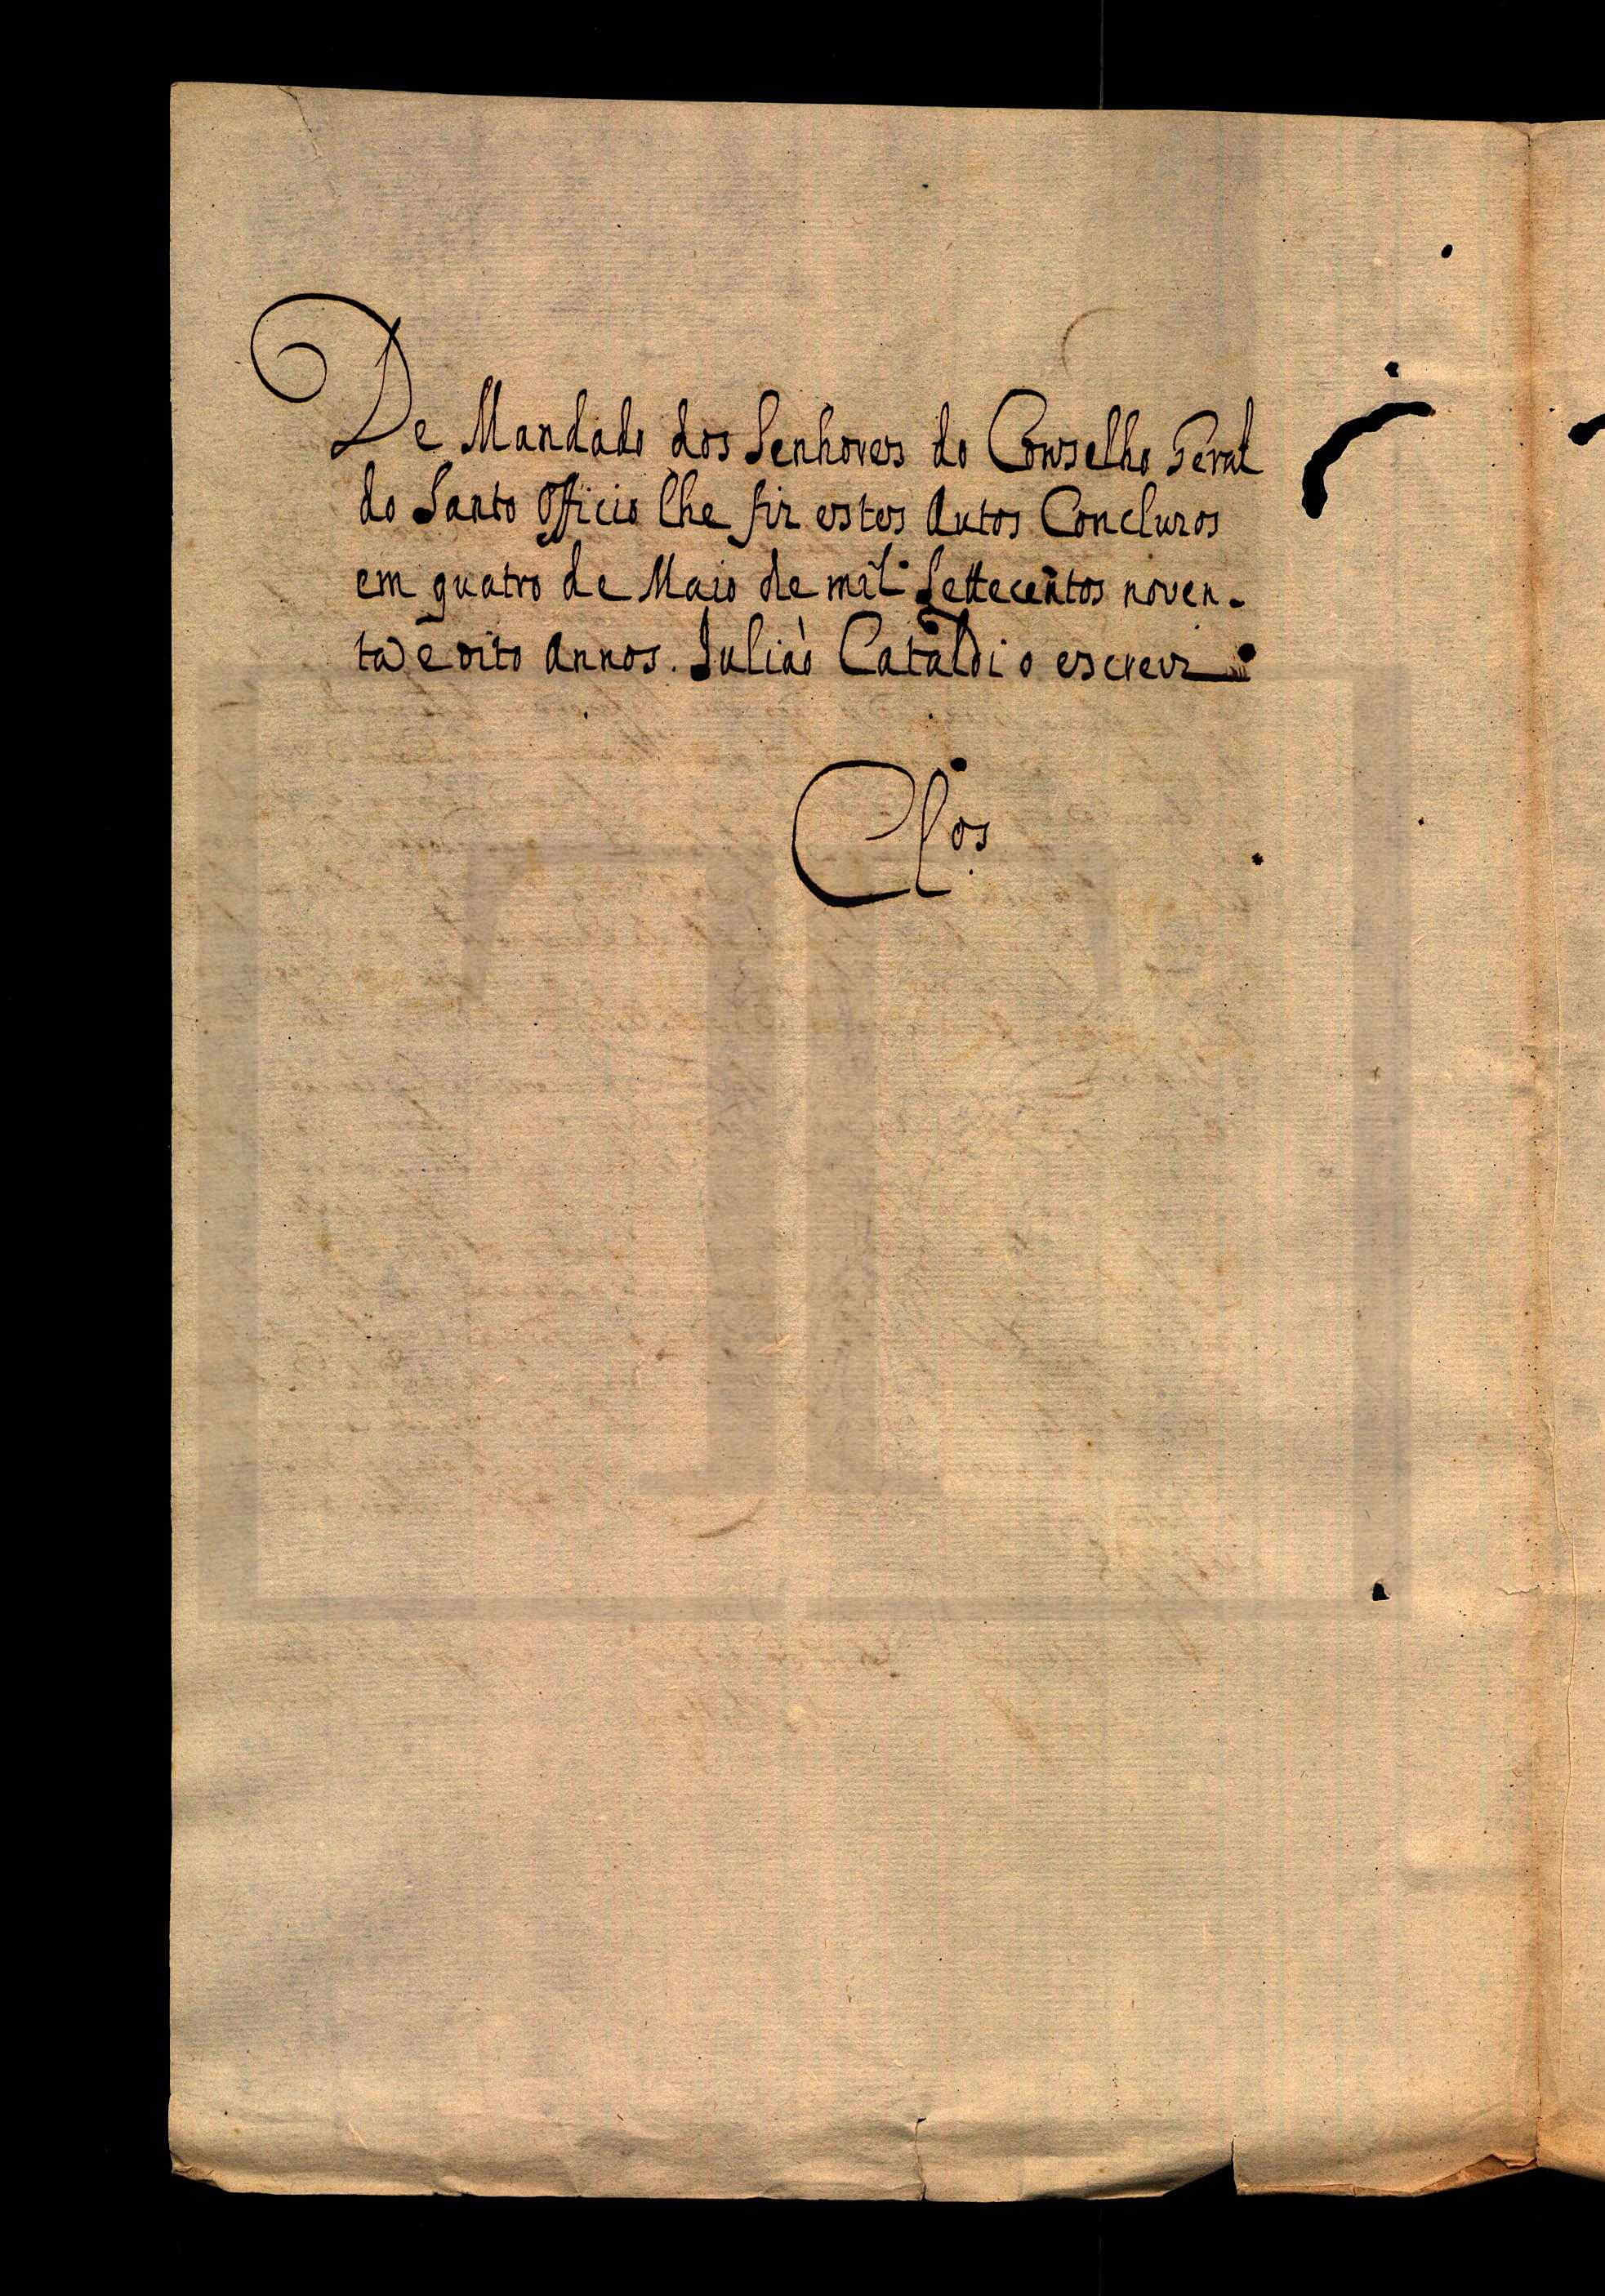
De Mandado dos Senhores do Conselho Geral
do Santo Officio lhe fiz estes autos Concluzos,
em quatro de Maio de miL settecentos noven
ta e oito annos. Iuliaõ Cataldi o escrevi
CL.os
